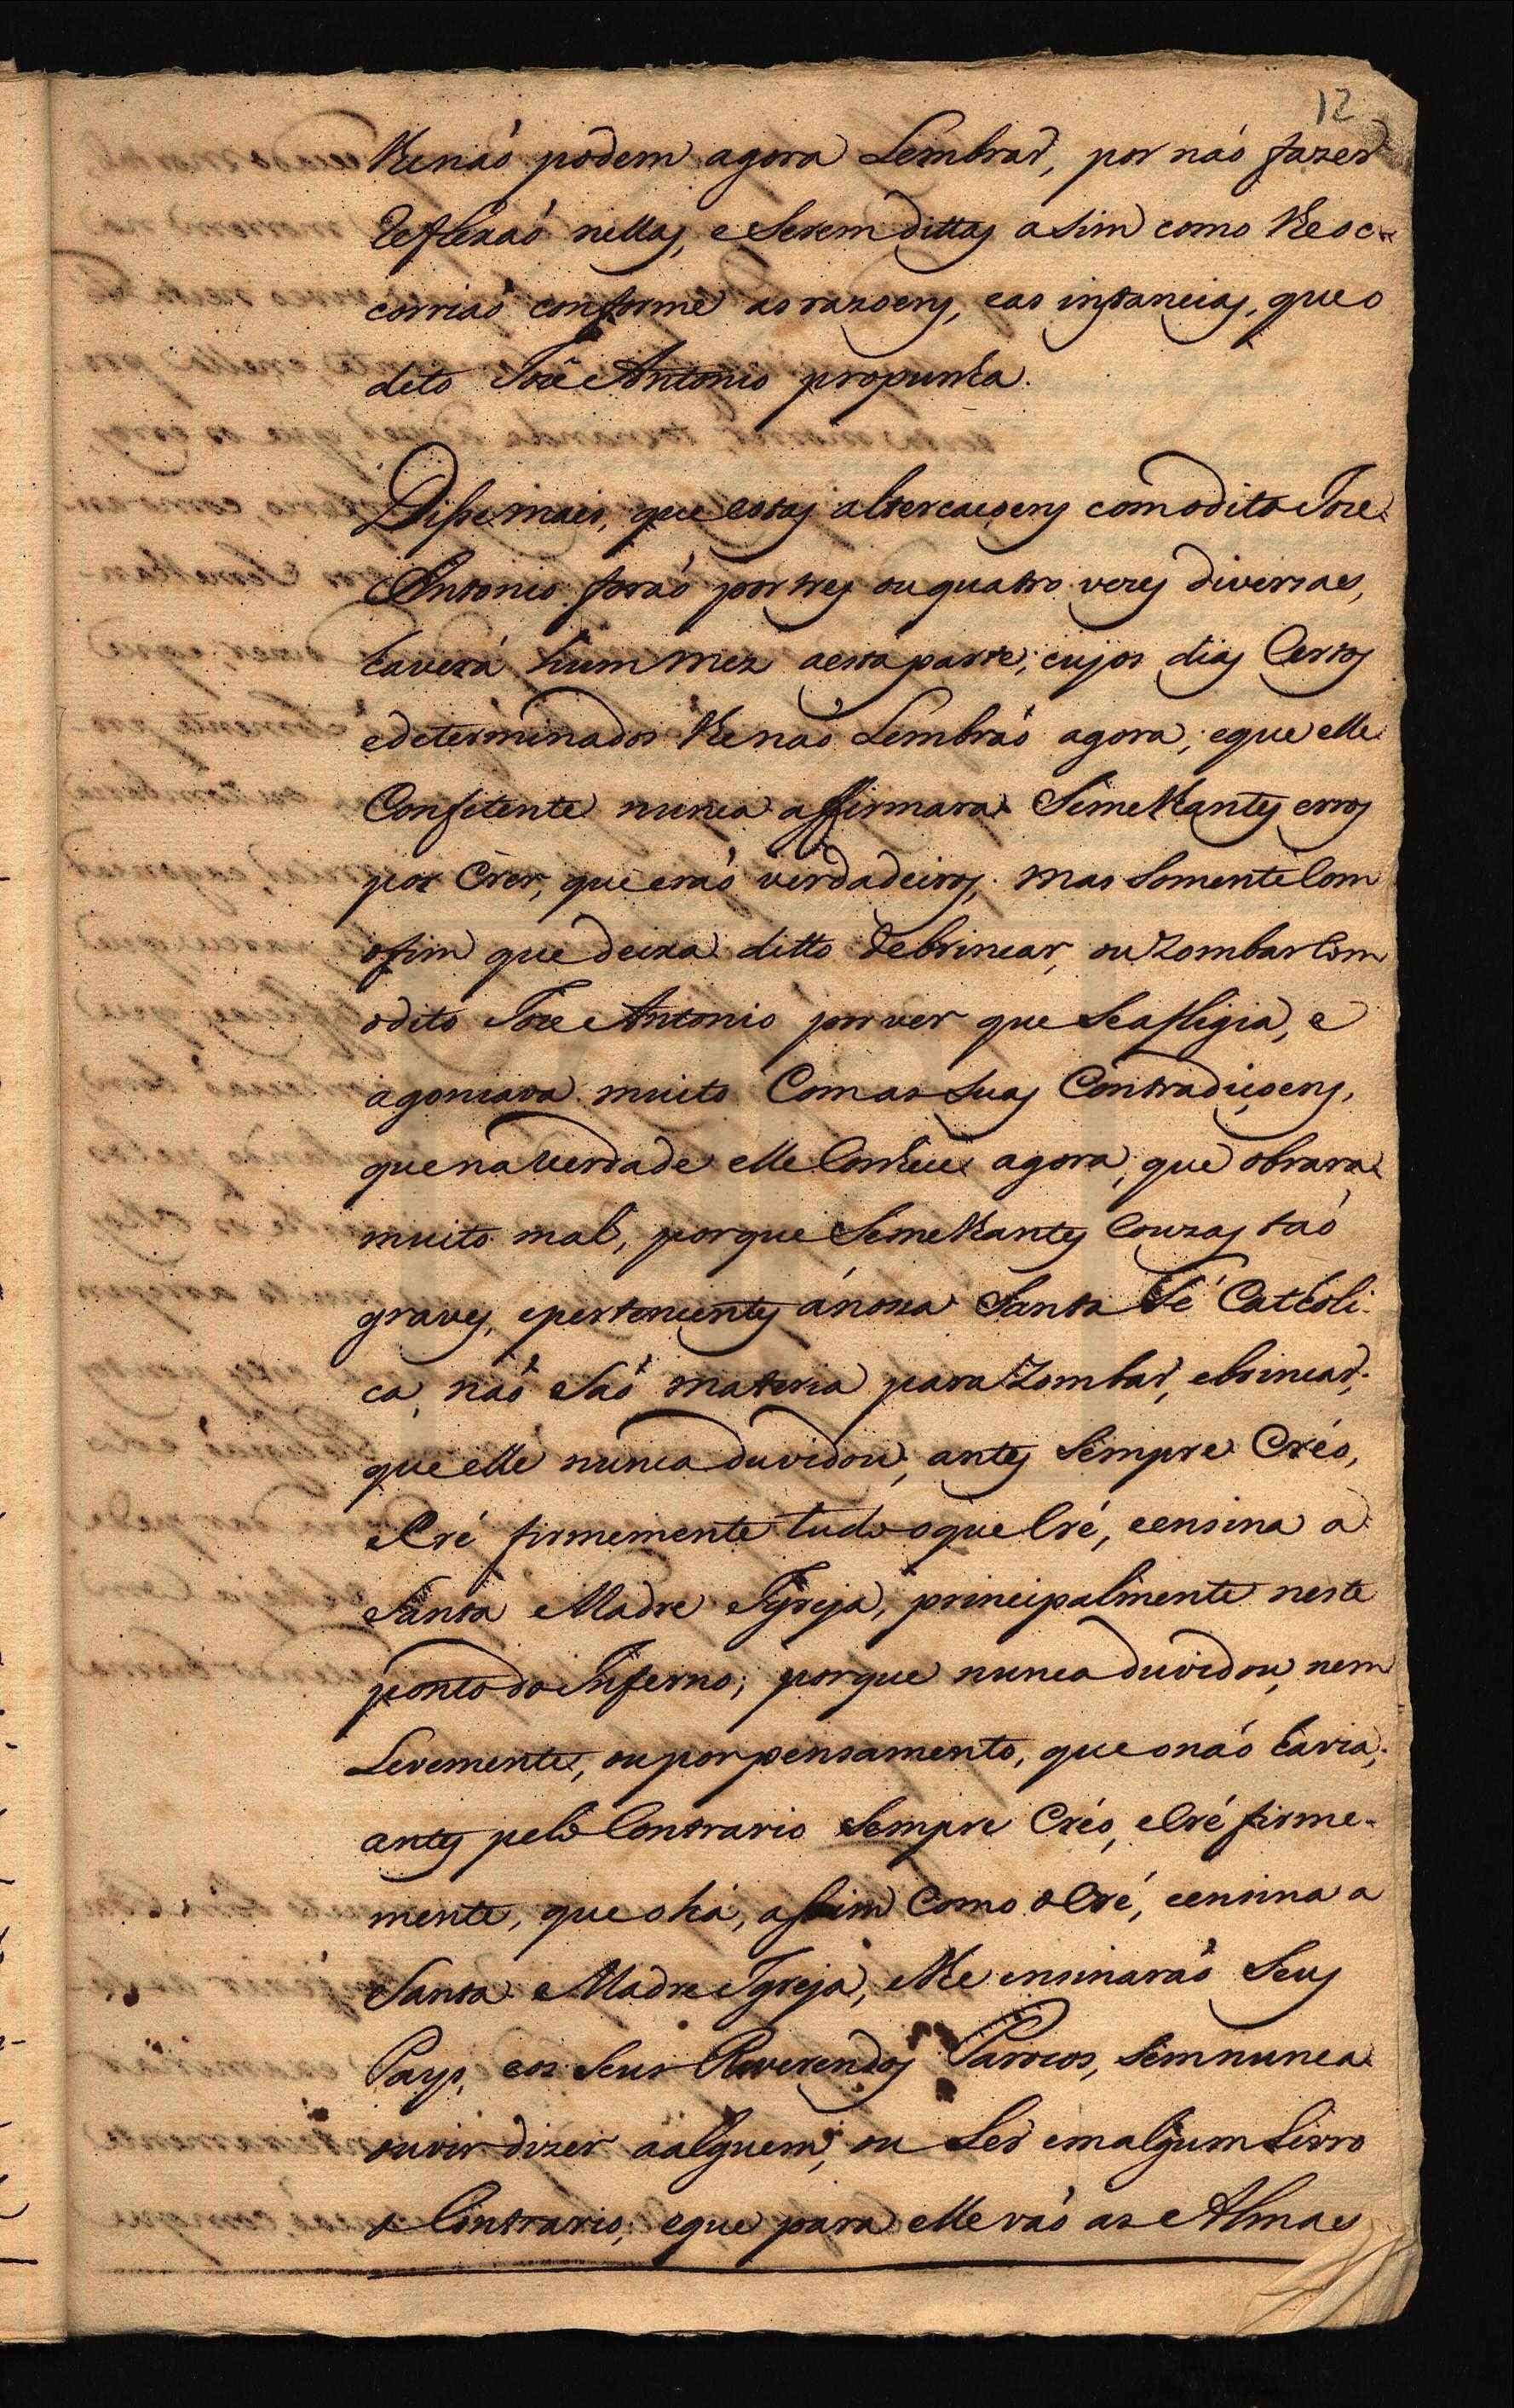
lhe naõ podem agora Lembrar, por naõ fazer
Reflexaõ nellas, e Serem dittas asim como lhes o
corriaõ conforme as razoens, e as instancias, que o
dito Iozé Antonio propunha.
Disse mais, que estas altercaçoens com o dito Ioze
Antonio, foraõ por tres ou quatro vezes diversas,
haverá hum mez a esta parte; cujos dias Certos
e determinados lhe naõ Lembraõ agora; e que elle
Confitente nunca affirmara Semelhantes erros
por crer, que eraõ verdadeiros; mas Somente Com
o fim que deixa ditto de brincar, ou zombar Com
o dito Ioze Antonio por ver que Se afligia, e
agoniava muito Com as Suas Contradiçoens,
que na verdade elle Conhece agora; que obrara
muito mal, porque Semelhantes couzas taõ
graves, e pertencentes á nossa Santa Fé Catholi
ca, naõ saõ materia para Zombar, e brincar;
que elle nunca duvidou, antes sempre Créo,
e Cré firmemente tudo o que Cré, e ensina a
Santa Madre Igreja, principalmente neste
ponto do Inferno; porque nunca duvidou, nem
Levemente, ou por pensamento, que o naõ havia;
antes pelo Contrario Sempre Créo, e Cré firme
mente, que o há, assim como o Cré, e ensina a
Santa Madre Igreja, e lhe ensinaraõ Seus
Pays, e os seus Reverendos Parocos, sem nunca
ouvir dizer a alguem, ou Ler em algum Livro
o Contrario; e que para elle vaõ as Almas
